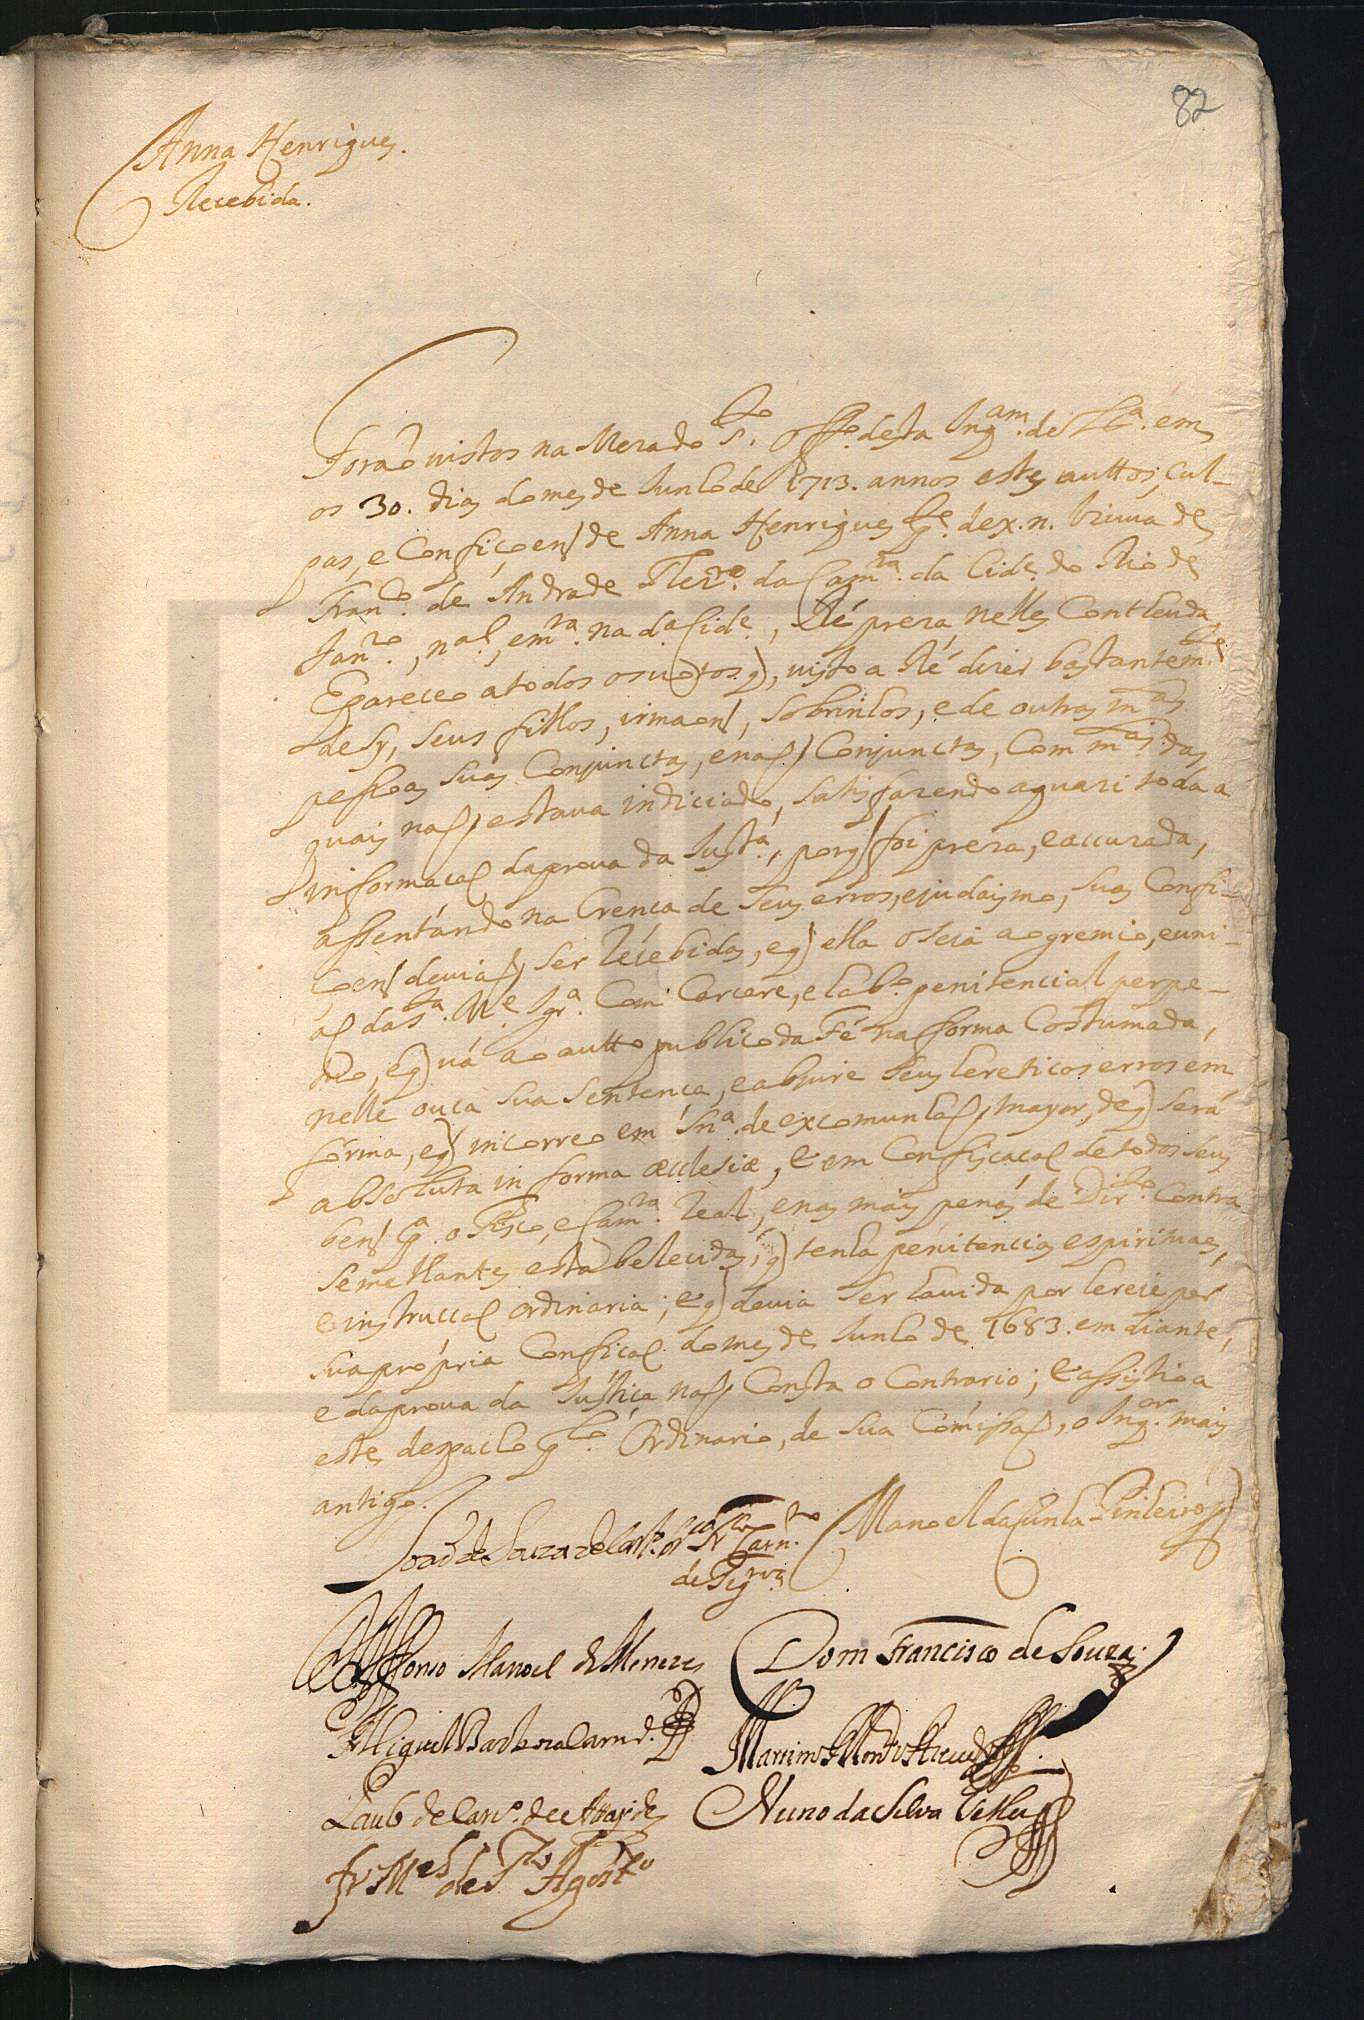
Anna Henriques.
Recebida.
Foraõ uistos na Meza do s.to Off.o desta Inqam. de Lxa em
os 30. dias do mes de Iunho de 1713. annos estes auttos; cul
pas, e Confiçoens de Anna Henriques pte. de x. n. Viuua de
Fran.co de Andrade Thez.ro da Cam.ra da Cid.e do Rio de
Ian.ro, n.al, e m.ra na d.a Cid.e, Ré preza nelles Contheuda
E pareceo a todos os uotos q̄, uisto a Ré dizer bastantem.te
de Sy, seus filhos, irmaons, sobrinhos, e de outras mtas
pessoas suas Conjunctas, e nā Conjunctas, Com m.tas das
quais nā estaua indiciado, satisfazendo a quazi toda a
informaçā da proua da Iust.a, porq̄ foi preza, e accuzada,
assentando na Crença de seus erros, e judaismo, suas Confi
Çoens deuiaõ ser Recebidas, e q̄ ella o seia ao gremio, e uni
ā da s.ta M.e Igr.a Com Carcere, e hab.o penitencial perpe
tuo, e q̄ uá ao autto publico da Fé na forma Costumada,
nelle ouça sua sentença, e abiure seus hereticos erros em
forma, e q̄ incorreo em sn.a de excomunhā, mayor, de q̄ será
absoluta in forma æcclesiæ, e em Confiscaçā de todos seus
bens p.a o Fisco, e Cam.ra. Real, e nas mais penas de Dir.to Contra
semelhantes estabelecidas, q̄ tenha penitencias espirituaes,
e instrucçā ordinaria; e q̄ deuia ser hauida por hereie per
sua propria Confiçā do mes de Iunho de 1683. em diante
e da proua da Iustiça nā Consta o Contrario; E assistio a
este despacho p.lo Ordinario, de sua Comissā, o Inq.or mais
antigo.
Joaõ de Souza de Cast.o brco
Fr.co Carn.ro
de Fig.roa
Manoel de Cunha Pinheiro
Affonso Manoel de Menezes
Dom Francisco de Souza
Miguel Barboza Carn.o
Martim Montro Azeuedo
Paulo de Carv.o de Attayde
Nuno da Silva Telles
fr M.el de S.to Agost.o
